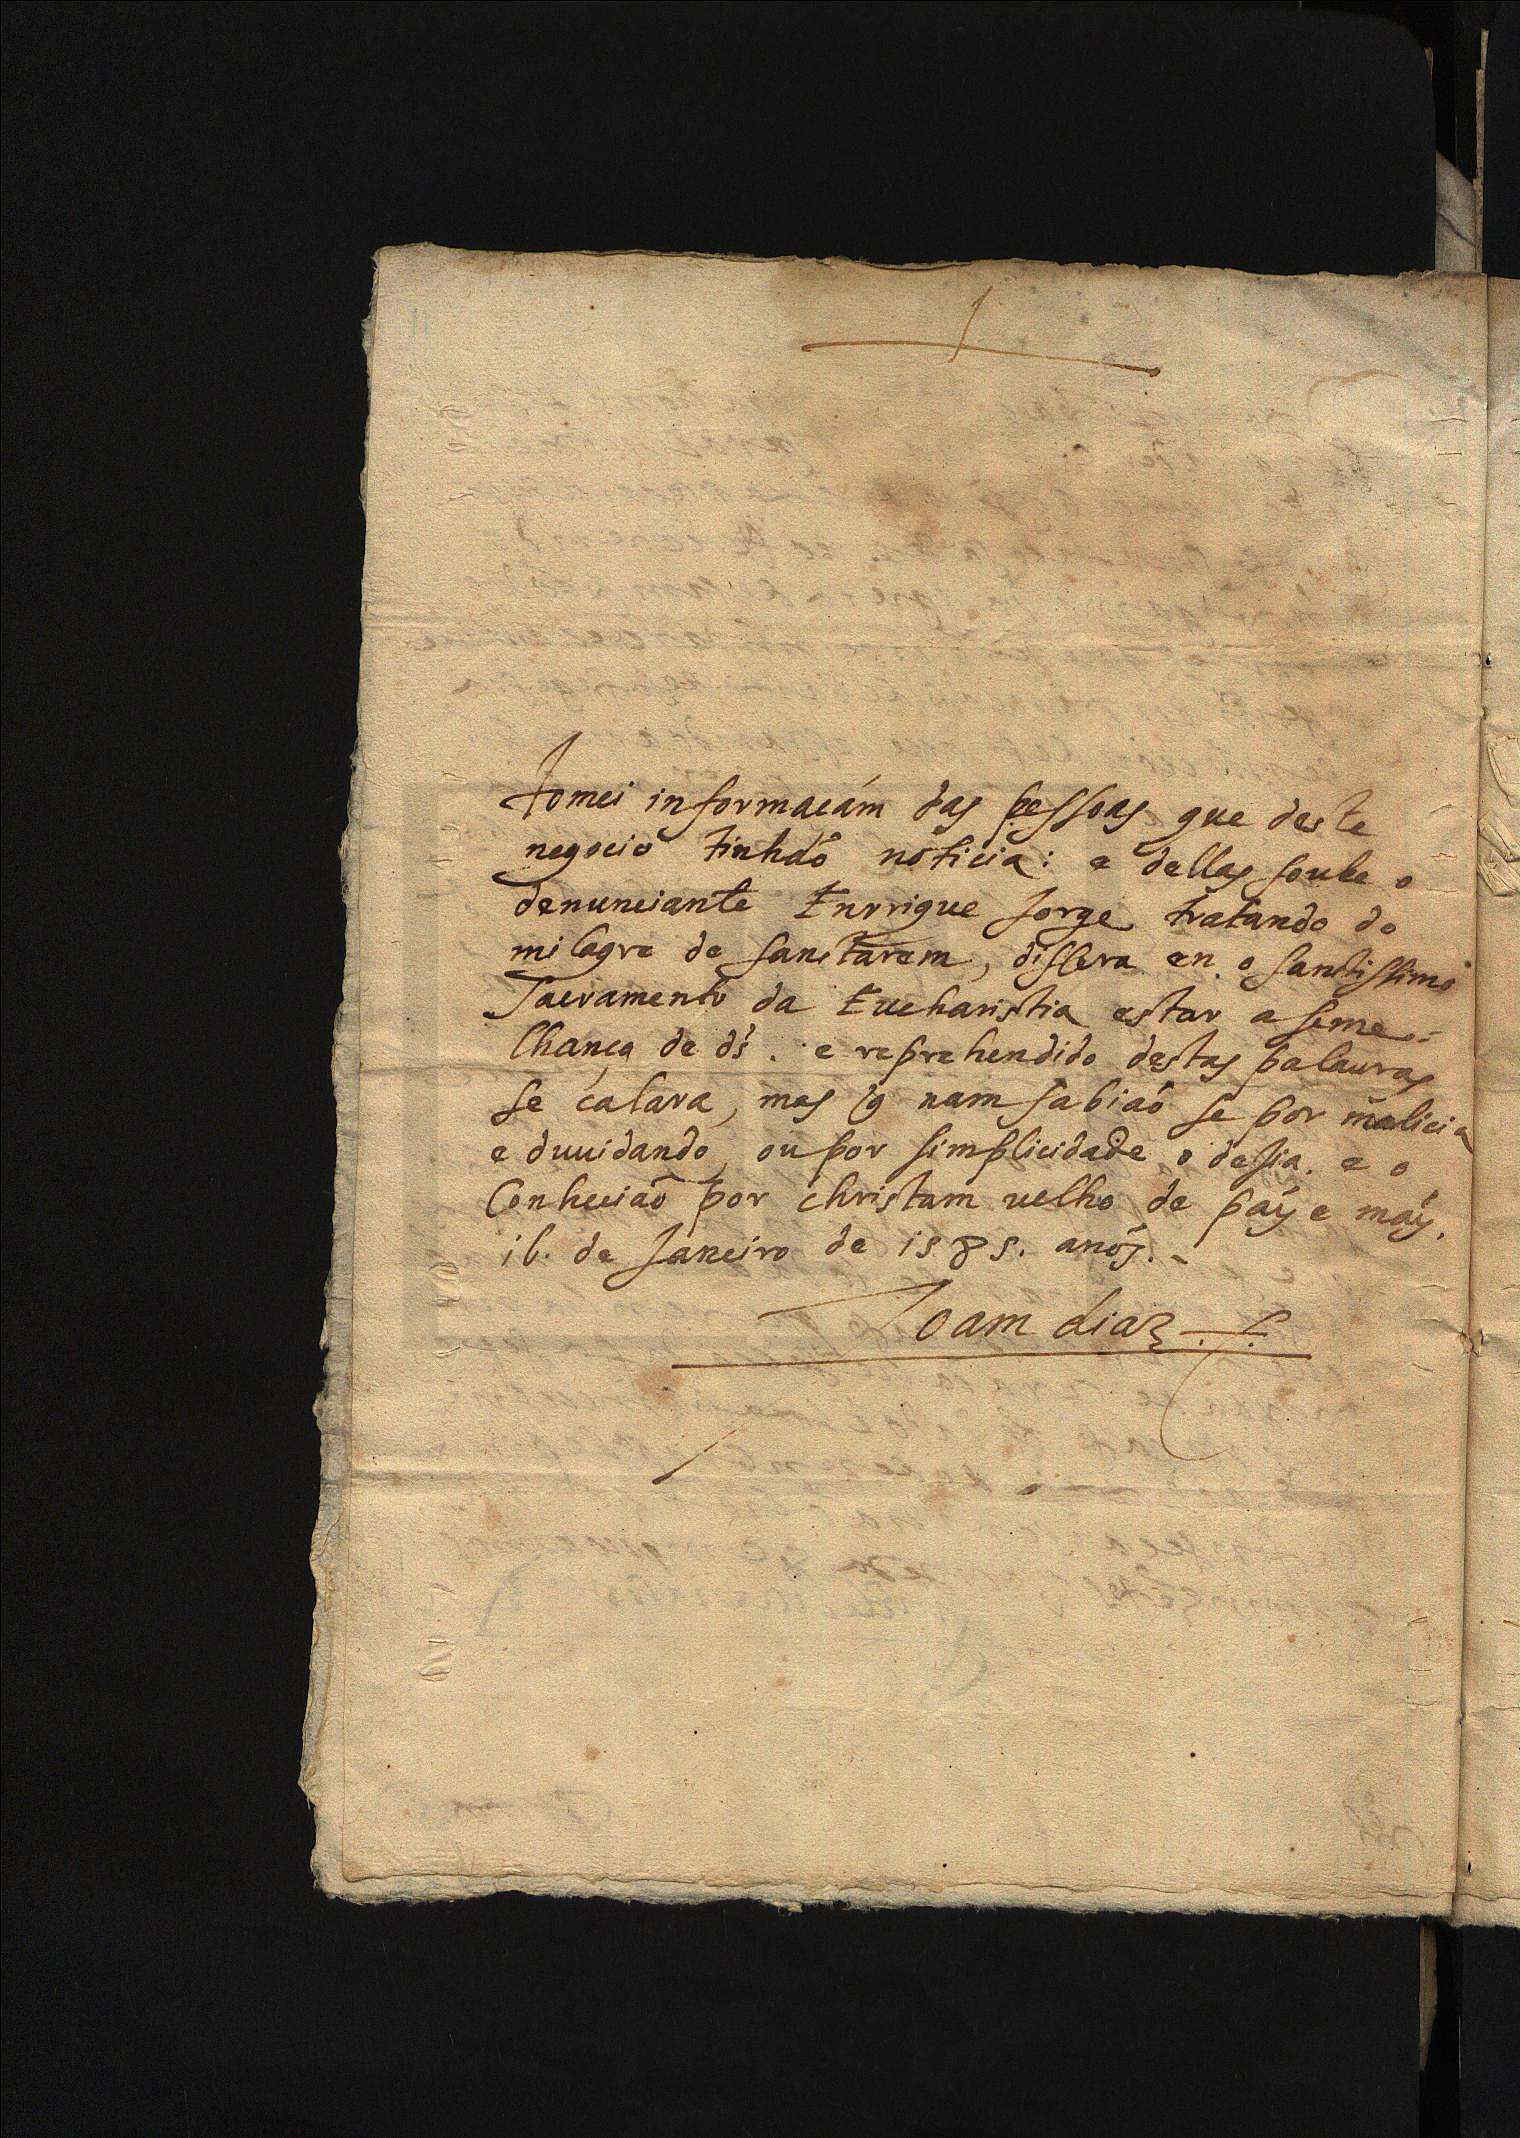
tomei informaçam das pessoas que deste
negocio tinhão noticia: e dellas soube o
denunciante Enrrique Jorge tratando do
milagre de sanctarem, dissera en o sanctissimo
sacramento da Eucharistia estar a seme
lhança de ds̄. e reprehendido destas palauras
se calara, mas q̄ nam sabiaõ se por malicia
e duuidando, ou por simplicidade o desia. e o
Conheciaõ por christam uelho de pay e may.
i6. de Janeiro de i585. anos̄.
